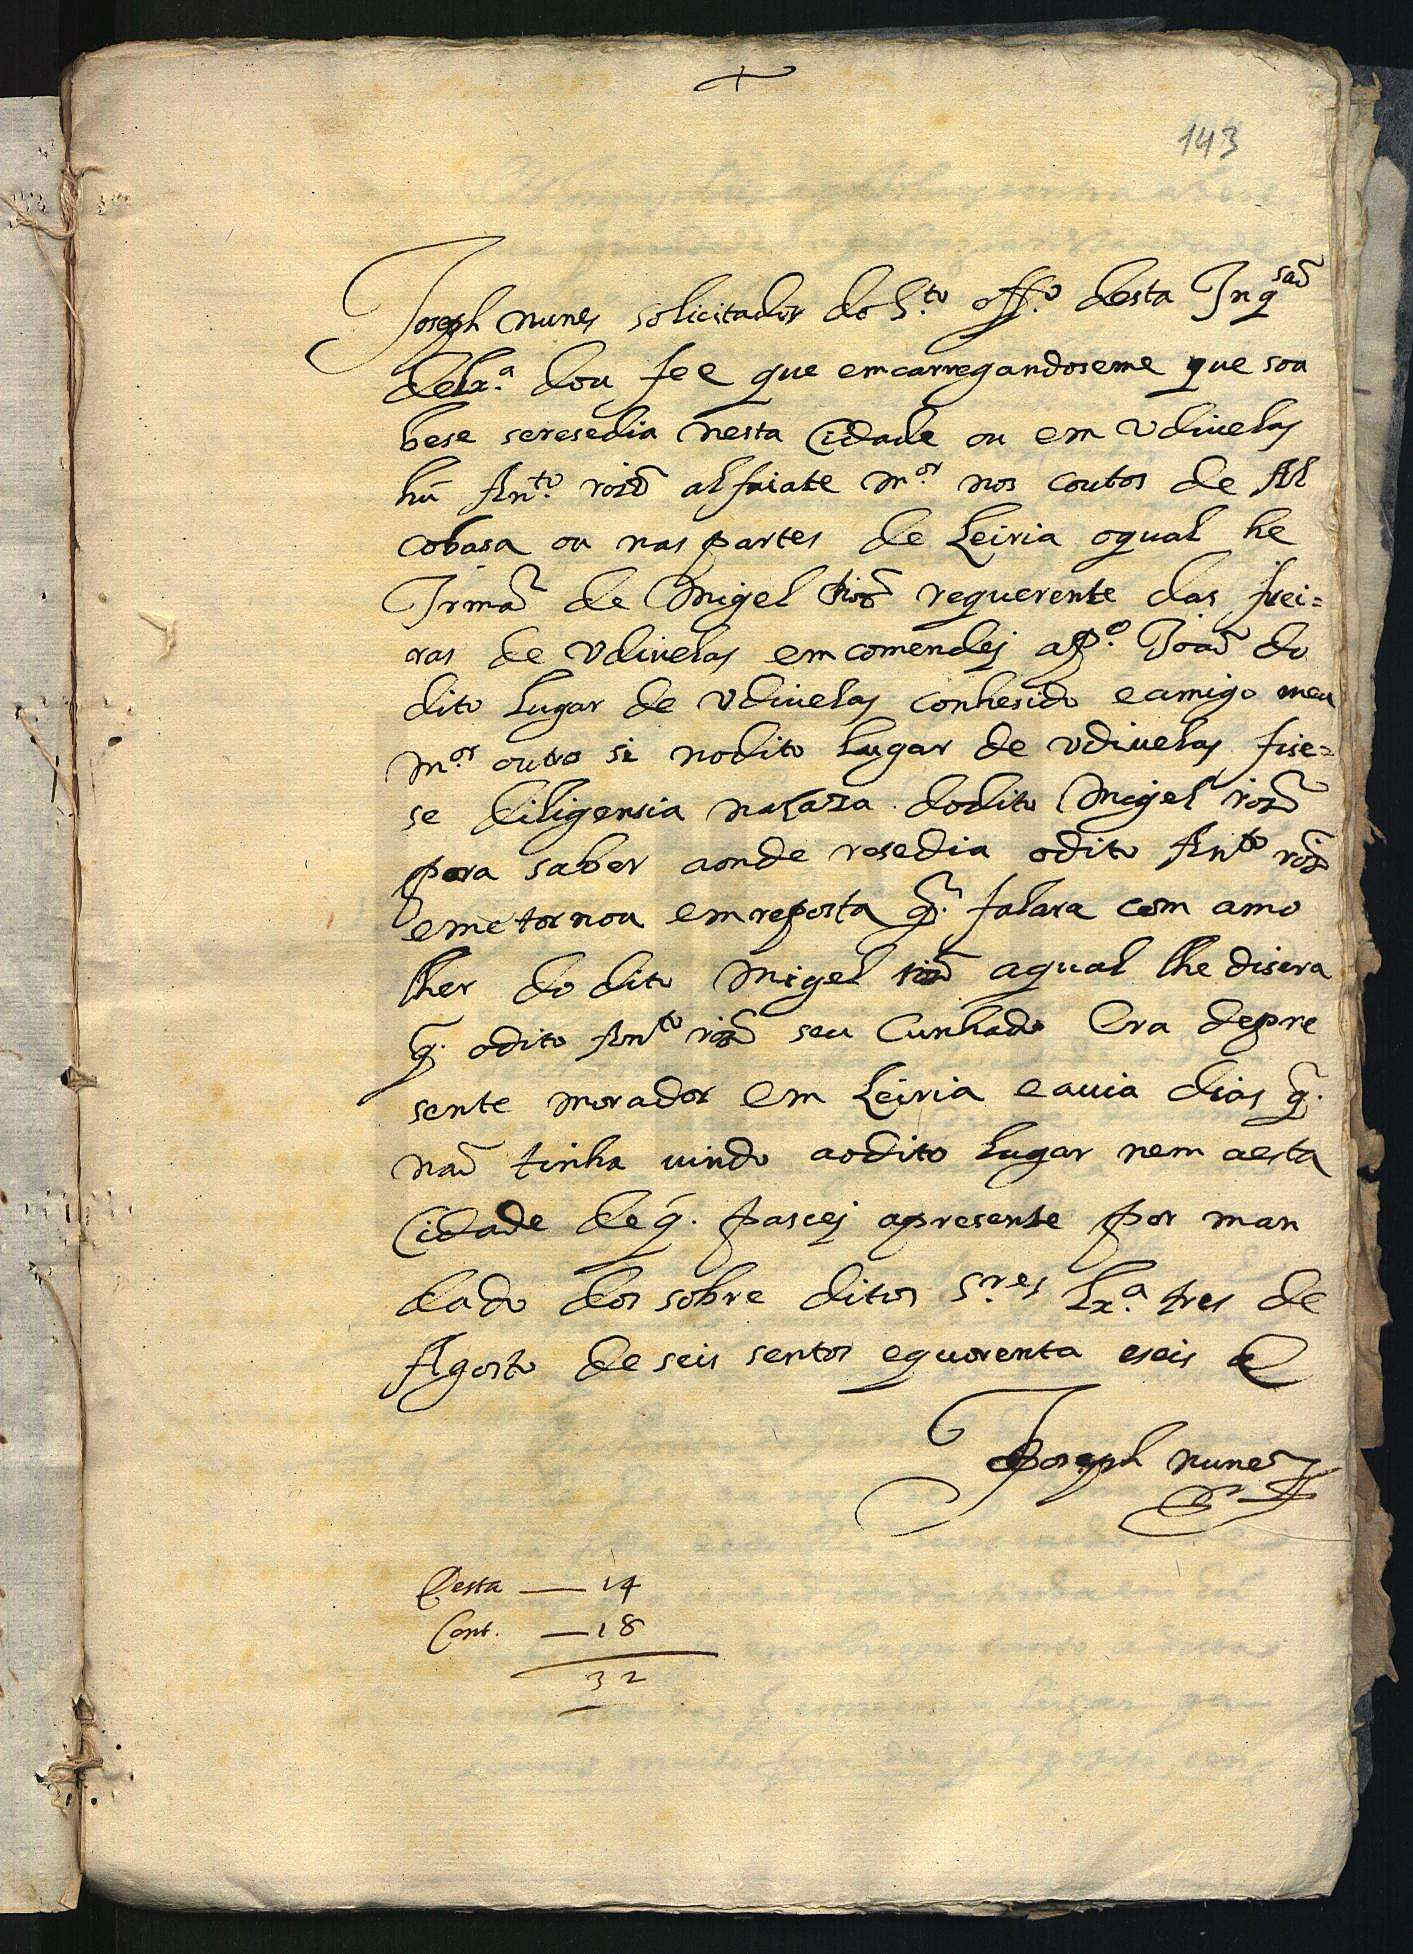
Joseph nunes solicitador do S.to off.o desta Jnqsaõ
de lx.a dou fee que emcarregandoseme que sou
bese se resedia nesta Cidade ou em odiuelas
hū An.to roiz̄ alfaiate m.or nos coutos de Al
cobaça ou nas partes de Leiria o qual he
Jrmaõ de Migel Roz̄ requerente das frei
ras de odiuelas emcomendej a p.o Ioaõ do
dito Lugar de odiuelas conhesido e amigo meu
m.or outrosi no dito Lugar de odiuelas fise
se diligensia na Caza do dito Migel roz̄
para saber aonde resedia o dito Anto roz̄
e me tornou em reposta q̄. falara com a mo
lher do dito Migel roz̄ a qual lhe disera
q̄. o dito Anto roz̄ seu Cunhado Era de pre
sente morador em Leiria e auia dias q̄.
naõ tinha uindo ao dito lugar nem a esta
Cidade de q̄. pascej a presente por man
dado dos sobreditos s.res Lx.a tres de
Agosto de seissentos e quorenta e seis ā
